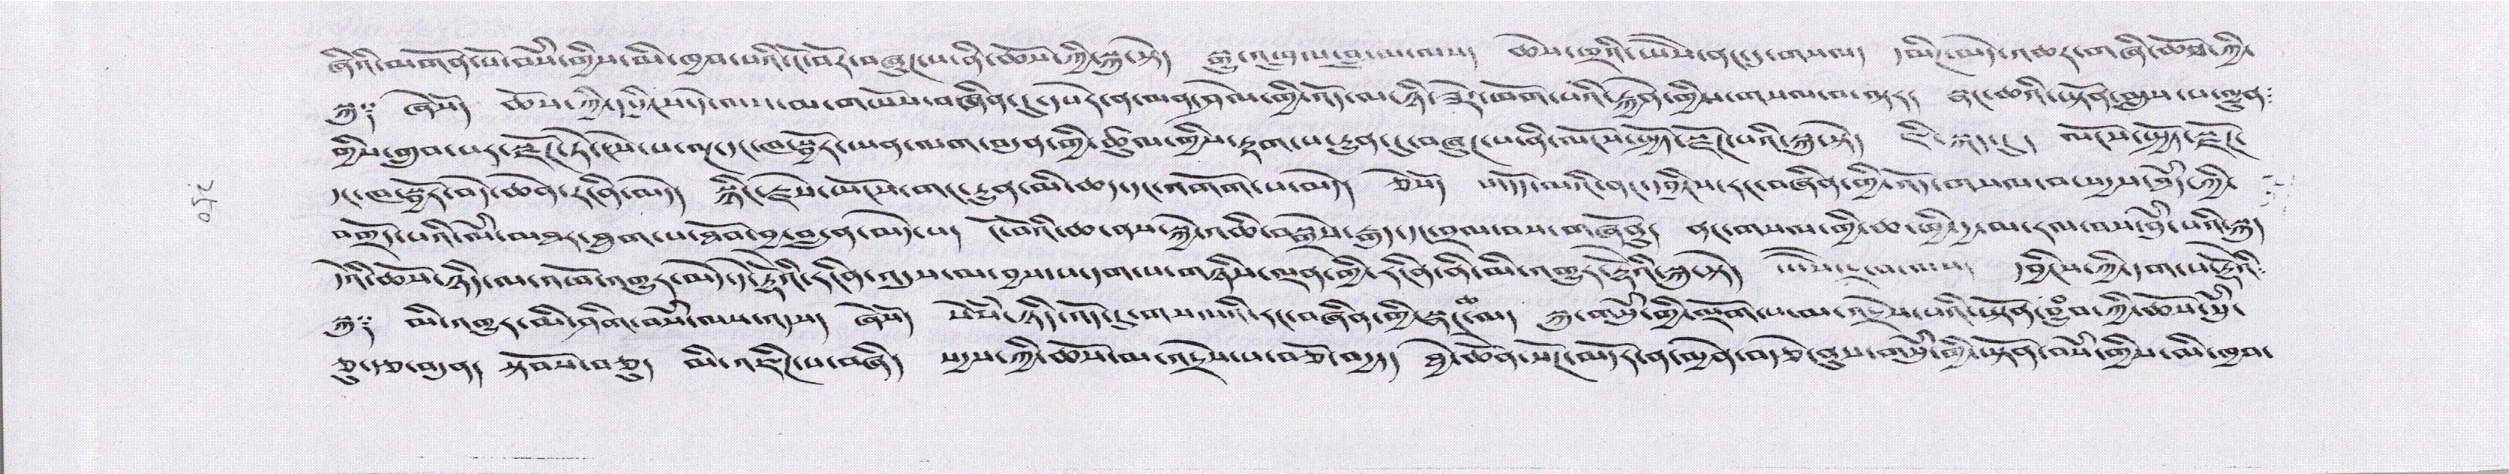ཞིའི་མགོན་པོ་བསམ་གྱིས་མི་ཁྱབ་པའི་ངོ་བོར་བཞུགས་པ་ནི་ཆོས་ཀྱི་སྐུ་སྟེ། སྒྱུ་འཕྲུལ་བླ་མ་ལས། ཆེས་ཕྲའིི་ཡེ་ཤེས་ནང་དུ་གསལ། དམིགས་མེད་འཆར་གཞི་ཆོས་ཀྱི་
སྐུ། ཞེས་སོ། ཆོས་ཀྱི་དབྱིངས་དེ་ལས་མ་གཡོས་བཞིན་དུ་དཔེར་ན་མན་ཤེལ་གྱི་འོད་མ་ཉི་ཟེར་ཕོག་པའི་རྐྱེན་གྱིས་གསལ་བ་ལྟར། སྣང་ཆའི་ཡོན་ཏན་མ་ལུས་པ་ལྷུན་
གྱིས་གྲུབ་པར་རྫོགས་ཏེ་ངེས་པ་ལྔ་དང་ཁ་སྦྱོར་ཡན་ལག་བདུན་གྱི་ཚུལ་གྱིས་རྟག་པ་རྒྱུན་དུ་བཞུགས་པ་ནི་ལོངས་སྤྱོད་རྫོགས་པའི་སྐུ་སྟེ། ཇི་སྐད་དུ། ལོངས་སྤྱོད་རྫོགས་
དང་ཁ་སྦྱོར་བདེ་ཆེན་རང་བཞིན་མེད། སྙིང་རྗེས་ཡོངས་གང་རྒྱུན་མི་ཆད་དང་འགོག་པ་མེད། ཅེས་སོ། གདོད་མའི་ནང་དབྱིངས་རང་བཞིན་གྱི་འོད་གསལ་བ་སངས་རྒྱས་ཐམས་ཅད་ཀྱི་
བགྲོད་པའི་ལམ་མཐར་ཐུག་པ་ཐོབ་བྱ་བླ་ན་མེད་པ། ངོ་བོའི་ཆ་ནས་སྐྱེ་འཆི་བསྒྲེས་རྒུད་དང་བྲལ་བས་གཞོན་ནུ། ནང་གསལ་གྱི་ཆ་ཕྱི་རྒྱ་མ་རལ་བས་བུམ་པའི་སྐུ། 
དེའི་ཆོས་ཉིད་ལ་འཕོ་འགུར་མེད་དེ་རྡོ་རྗེའི་རང་བཞིན་འདུས་མ་བྱས་པ་དག་པ་གཉིས་ལྡན་གྱི་རང་བཞིན་ནི་མི་འགྱུར་རྡོ་རྗེའི་སྐུ་སྟེ། ཡེ་ཤེས་དྲ་བ་ལས། དབྱིངས་ཀྱི་དག་པ་རྡོ་རྗེའི་
སྐུ། མི་འགྱུར་མི་ཤིག་བསམ་ལས་འདས། ཞེས་སོ། སེམས་ཉིད་འོད་དུ་གསལ་བའི་རང་བཞིན་གྱི་སྣང་ཆ་ལ། སྐུ་གསུམ་གྱི་ལྡོག་པ་མ་འདྲེས་པའི་ཡོན་ཏན་བྱང་ཆུབ་ཀྱི་ཆོས་སུམ་
ཅུ་རྩ་བདུན། སྟོབས་བཅུ། མི་འཇིགས་པ་བཞི། སངས་རྒྱས་ཀྱི་ཆོས་མ་འདྲེས་པ་བཅོ་བརྒྱད། ཐུགས་རྗེ་ཆེན་པོ་སོགས་མདོར་ན་མཁྱེན་བརྩེ་ནུས་གསུམ་གྱི་ཡོན་ཏན་བསམ་གྱིས་མི་ཁྱབ་